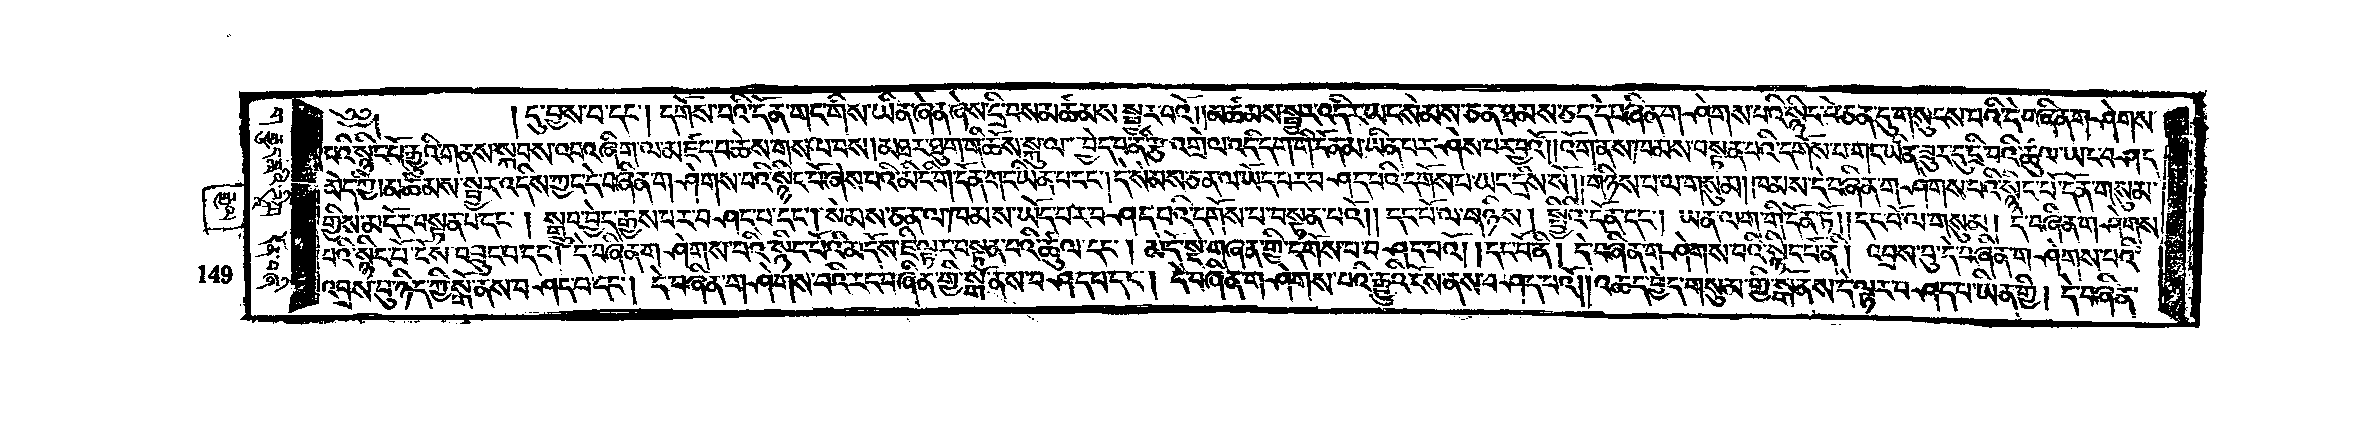༄༅། །དུ་བྱས་པ་དང་། དགོས་པའི་དོན་གང་གིས་ཡིན་ཞེན་ཞེས་དྲི་བས་མཚམས་སྦྱར་བའོ། །མཚམས་སྦྱར་འདིར་ཡང་སེམས་ཅན་ཐམས་ཅད་དེ་བཞིན་གཤེགས་པའི་སྙིང་པོ་ཅན་དུ་གསུངས་པའི་དེ་བཞིན་གཤེགས་
པའི་སྙིང་པོ་རྒྱུའི་གནས་སྐབས་འབའ་ཞིག་ལ་མཛད་པ་ཆོས་གསལ་བས། མཐར་ཐུག་གི་ཆོས་སྐུ་ལ་བྱེད་པ་ནི་རྩ་འགྲེལ་འདི་དག་གི་དོན་མ་ཡིན་པར་ཤེས་པར་བྱའོ། །འོག་ནས་ཁམས་བསྟན་པའི་དགོས་པ་གང་ཡིན་ཟུར་དུ་དྲི་བའི་ཚུལ་ཡང་བཤད་
མེད་ཀྱི། མཚམས་སྦྱར་འདིས་ཀྱང་དེ་བཞིན་གཤེགས་པའི་སྙིང་པོ་ཞེས་པའི་མིང་གི་དོན་གང་ཡིན་པ་དང་། དེ་སེམས་ཅན་ལ་ཡོད་པར་བཤད་པའི་དགོས་པ་ཡང་དྲིས་སོ། །གཉིས་པ་ལ་གསུམ། ཁམས་དེ་བཞིན་གཤེགས་པའི་སྙིང་པོ་དོན་གསུམ་
གྱིས་མདོར་བསྟན་པོ་དང་། སྒྲུབ་བྱེད་རྒྱས་པར་བཤད་པ་དང་། སེམས་ཅན་ལ་ཁམས་ཡོད་པར་བཤད་པའི་དགོས་པ་བསྟན་པའོ། །དང་པོ་ལ་གཉིས། སྤྱིའི་དོན་དང་། ཡན་ལག་གི་དོན་ཏོ། །དང་པོ་ལ་གསུམ། དེ་བཞིན་གཤེགས་
པའི་སྙིང་པོ་ངོས་བཟུང་བ་དང་། དེ་བཞིན་གཤེགས་པའི་སྙིང་པོའི་མདོས་ཇི་ལྟར་བསྟན་པའི་ཚུལ་དང་། མདོ་སྡེ་གཞན་གྱི་དགོས་པ་བཤད་པའོ། །དང་པོ་ནི། དེ་བཞིན་གཤེགས་པའི་སྙིང་པོ་ནི། འབྲས་བུ་དེ་བཞིན་གཤེགས་པའི་
འབྲས་བུ་ཉིད་ཀྱི་སྒོ་ནས་བཤད་པ་དང་། དེ་བཞིན་གཤེགས་པའི་རང་བཞིན་གྱི་སྒོ་ནས་བཤད་པ་དང་། དེ་བཞིན་གཤེགས་པའི་རྒྱུའི་ངོས་ནས་བཤད་པའོ། །འཆད་བྱེད་གསུམ་གྱི་སྒོ་ནས་དེ་ལྟར་བཤད་པ་ཡིན་གྱི་།དེ་བཞིན་